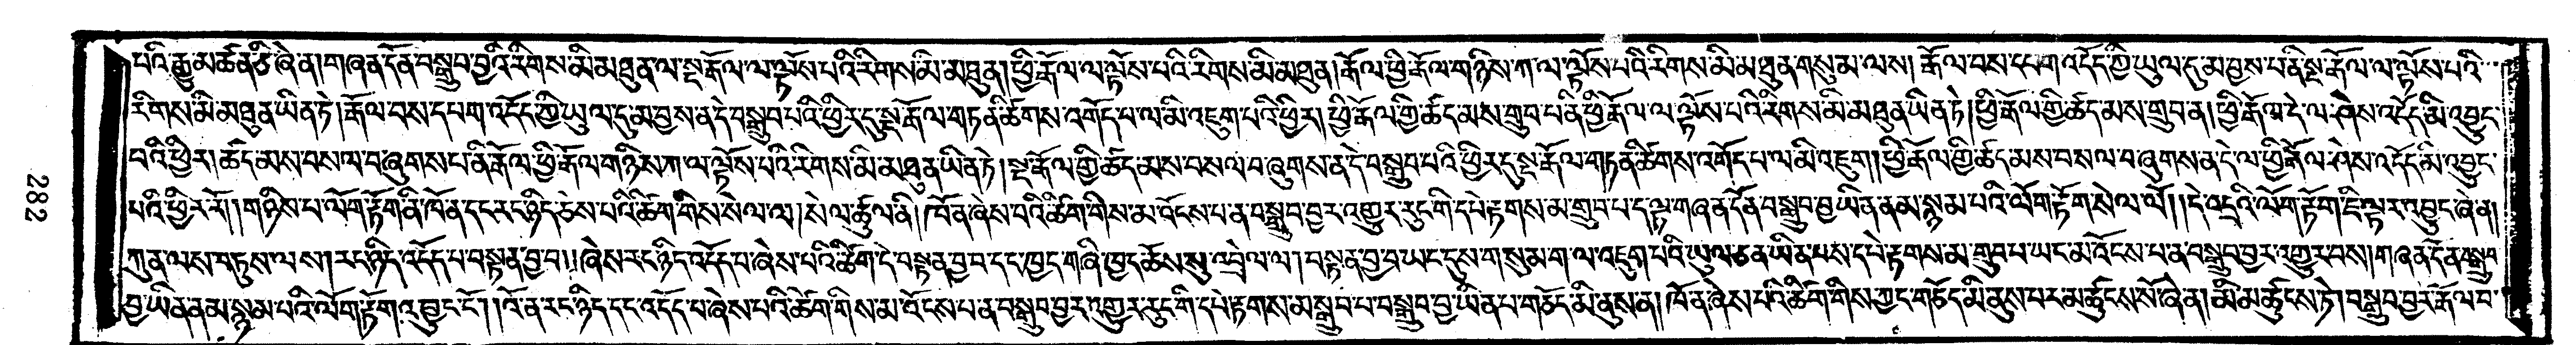པའི་རྒྱུ་མཚན་ཅི་ཞེ་ན། གཞན་དོན་བསྒྲུབ་བྱའི་རིགས་མི་མཐུན་ལ་སྔ་རྒོལ་ལ་ལྟོས་པའི་རིགས་མི་མཐུན། ཕྱི་རྒོལ་ལ་ལྟོས་པའི་རིགས་མི་མཐུན། རྒོལ་ཕྱི་རྒོལ་གཉིས་ཀ་ལ་ལྟོས་པའི་རིགས་མི་མཐུན་གསུམ་ལས། རྒོལ་བས་དཔག་འདོད་ཀྱི་ཡུལ་དུ་མ་བྱས་པ་ནི་སྔ་རྒོལ་ལ་ལྟོས་པའི་
རིགས་མི་མཐུན་ཡིན་ཏེ། རྒོལ་བས་དཔག་འདོད་ཀྱི་ཡུལ་དུ་མ་བྱས་ན་དེ་བསྒྲུབ་པའི་ཕྱིར་དུ་སྔ་རྒོལ་གཏན་ཚིགས་འགོད་པ་ལ་མི་འཇུག་པའི་ཕྱིར། ཕྱི་རྒོལ་གྱི་ཚད་མས་གྲུབ་པ་ནི་ཕྱི་རྒོལ་ལ་ལྟོས་པའི་རིགས་མི་མཐུན་ཡིན་ཏེ། ཕྱི་རྒོལ་གྱི་ཚད་མས་གྲུབ་ན། ཕྱི་རྒོལ་དེ་ལ་ཤེས་འདོད་མི་འབྱུང་
བའི་ཕྱིར། ཚད་མས་བསལ་བ་ཞུགས་པ་ནི་རྒོལ་ཕྱི་རྒོལ་གཉིས་ཀ་ལ་ལྟོས་པའི་རིགས་མི་མཐུན་ཡིན་ཏེ། སྔ་རྒོལ་གྱི་ཚད་མས་བསལ་བ་ཞུགས་ན་དེ་བསྒྲུབ་པའི་ཕྱིར་དུ་སྔ་རྒོལ་གཏན་ཚིགས་འགོད་པ་ལ་མི་འཇུག །ཕྱི་རྒོལ་གྱི་ཚད་མས་བསལ་བ་ཞུགས་ན་དེ་ལ་ཕྱི་རྒོལ་ཤེས་འདོད་མི་འབྱུང་
བའི་ཕྱིར་རོ། །གཉིས་པ་ལོག་རྟོག་ནི་ཁོ་ན་དང་རང་ཉིད་ཅེས་པའི་ཚིག་གིས་སེལ་ལ། སེལ་ཚུལ་ནི། ཁོ་ན་ཞེས་པའི་ཚིག་གིས་མ་འོངས་པ་ན་བསྒྲུབ་བྱར་འགྱུར་རུང་གི་དཔེ་རྟགས་མ་གྲུབ་པ་ད་ལྟ་གཞན་དོན་བསྒྲུབ་བྱ་ཡིན་ནམ་སྙམ་པའི་ལོག་རྟོག་སེལ་ལོ། །དེ་འདྲའི་ལོག་རྟོག་ཇི་ལྟར་འབྱུང་ཞེ་ན།
ཀུན་ལས་བཏུས་ལས། རང་ཉིད་འདོད་པ་བསྟན་བྱ་བ། །ཞེས་རང་ཉིད་འདོད་པ་ཞེས་པའི་ཚིག་དེ་བསྟན་བྱ་བ་དང་ཁྱད་གཞི་ཁྱད་ཆོས་སུ་འབྲེལ་ལ། བསྟན་བྱ་བ་ཡང་དུས་གསུམ་ག་ལ་འཇུག་པའི་ཡུལ་ཅན་ཡིན་པས་དཔེ་རྟགས་མ་གྲུབ་པ་ཡང་མ་འོངས་པ་ན་བསྒྲུབ་བྱར་འགྱུར་བས། གཞན་དོན་བསྒྲུབ་
བྱ་ཡིན་ནམ་སྙམ་པའི་ལོག་རྟོག་འབྱུང་ངོ། །འོ་ན་རང་ཉིད་དང་འདོད་པ་ཞེས་པའི་ཚིག་གིས་མ་འོངས་པ་ན་བསྒྲུབ་བྱར་འགྱུར་རུང་གི་དཔེ་རྟགས་མ་གྲུབ་པ་བསྒྲུབ་བྱ་ཡིན་པ་གཅོད་མི་ནུས་ན། ཁོ་ན་ཞེས་པའི་ཚིག་གིས་ཀྱང་གཅོད་མི་ནུས་པར་མཚུངས་སོ་ཞེ་ན། མི་མཚུངས་ཏེ། བསྒྲུབ་བྱར་རྒོལ་བ་